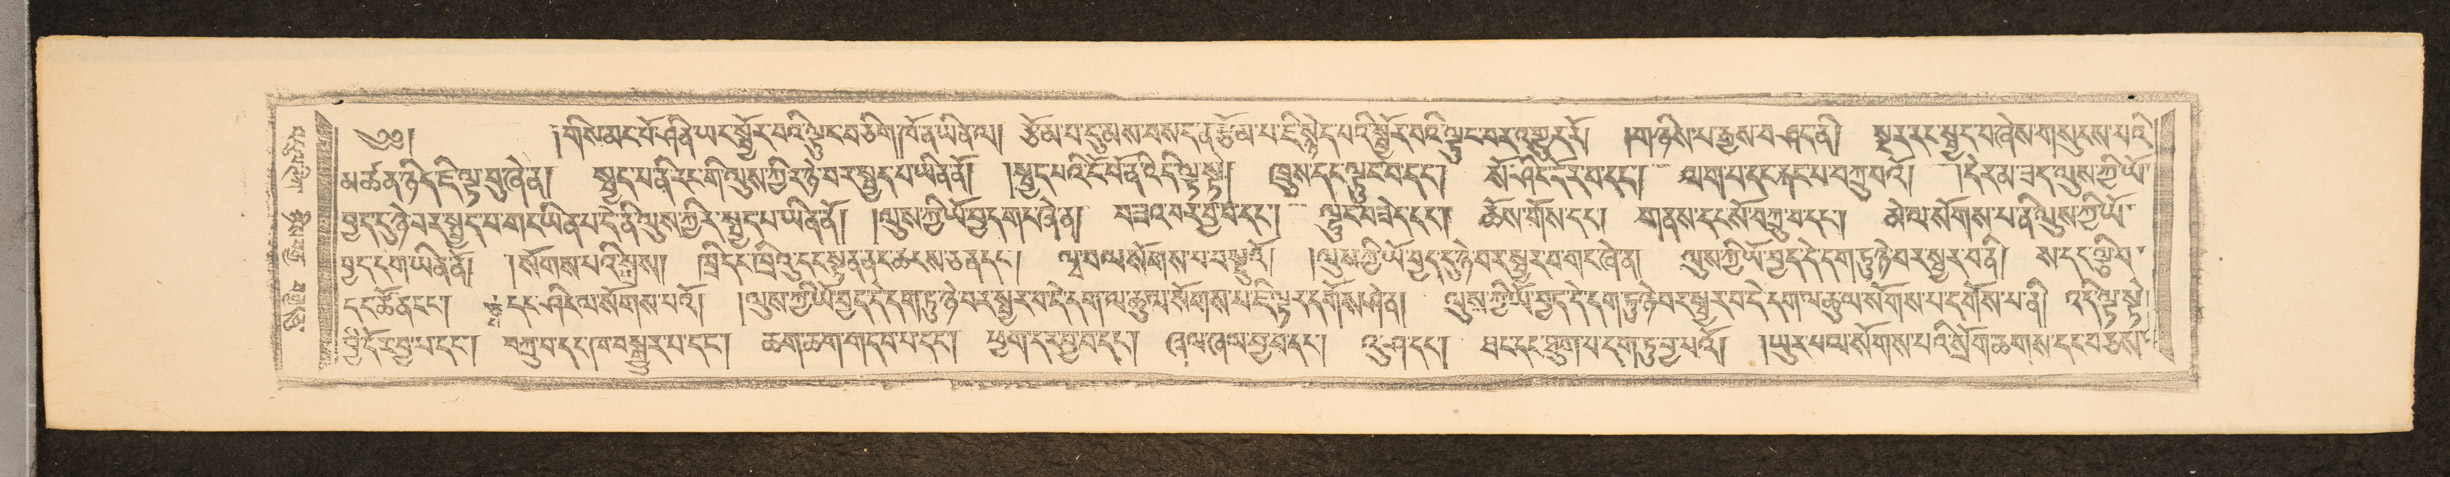༄༅། །གིས་མང་པོ་ཤིན་ཡང་སྦྱོར་བའི་ལྟུང་བ་ཅིག་ཁོ་ན་ཡིན་ལ། རྩོམ་པ་དུ་མས་བསད་ན་རྩོམ་པ་ཇི་སྙེད་པའི་སྦྱོར་བའི་ལྟུང་བར་འགྱུར་རོ། །གཉིས་པ་རྒྱས་བཤད་ནི། སྔར་རང་སྤྱད་པ་ཞེས་གསུངས་པའི་
མཚན་ཉིད་ཇི་ལྟ་བུ་ཞེ་ན། སྤྱད་པ་ནི་རང་གི་ལུས་ཀྱིར་ཉེ་བར་སྤྱད་པ་ཡིན་ནོ། །སྤྱད་པའི་ངོ་བོ་ནི་འདི་ལྟ་སྟེ། ཁྲུས་དང་ལྟུང་བ་དང་། སོ་ཤིང་དོར་བ་དང་། ལག་པ་དང་རྐང་པ་བཀྲུ་བའོ། །དེར་མ་ཟད་ལུས་ཀྱི་ཡོ་
བྱད་དུ་ཉེ་བར་སྤྱད་པ་གང་ཡིན་པ་དེ་ནི་ལུས་ཀྱིར་སྤྱད་པ་ཡིན་ནོ། །ལུས་ཀྱི་ཡོ་བྱད་གང་ཞེ་ན། བཟའ་བར་བྱ་བ་དང་། ལྷུང་བཟེད་དང་། ཆོས་གོས་དང་། གནས་དང་སོ་བཀྲུ་བ་དང་། མེ་ལ་སོགས་པ་ནི་ལུས་ཀྱི་ཡོ་
བྱད་དག་ཡིན་ནོ། །སོགས་པའི་སྒྲས། ཁྲི་དང་ཁྲིའུ་དང་སྟན་ནང་ཚངས་ཅན་དང་། ལྭབ་ལ་སོགས་པ་བསྡུའོ། །ལུས་ཀྱི་ཡོ་བྱད་དུ་ཉེ་བར་སྦྱར་བ་གང་ཞེ་ན། ལུས་ཀྱི་ཡོ་བྱད་དེ་དག་ཏུ་ཉེ་བར་སྦྱར་བ་ནི། ས་དང་ལྕི་བ་
དང་ཚོན་དང་། རྩྭ་དང་ཤིང་ལ་སོགས་པའོ། །ལུས་ཀྱི་ཡོ་བྱད་དེ་དག་ཏུ་ཉེ་བར་སྦྱར་བ་དེ་དག་ལ་ཆུ་ལ་སོགས་པ་ཇི་ལྟར་དགོས་ཤེ་ན། ལུས་ཀྱི་ཡོ་བྱད་དེ་དག་ཏུ་ཉེ་བར་སྦྱར་བ་དེ་དག་ལ་ཆུ་ལ་སོགས་པ་དགོས་པ་ནི། འདི་ལྟ་སྟེ།
བྱི་དོར་བྱ་བ་དང་། བཀྲུ་བ་དང་ཁ་བསྒྱུར་བ་དང་། ཆག་ཆག་གདབ་པ་དང་། ཕྱག་དར་བྱ་བ་དང་། ཞལ་ཞལ་བྱ་བ་དང་། འུ་ཤ་དང་། ཐང་དང་ཐུག་བ་དག་ཏུ་བྱ་བའོ། །ཡུར་བ་ལ་སོགས་པའི་སྲོག་ཆགས་དང་བཅས་